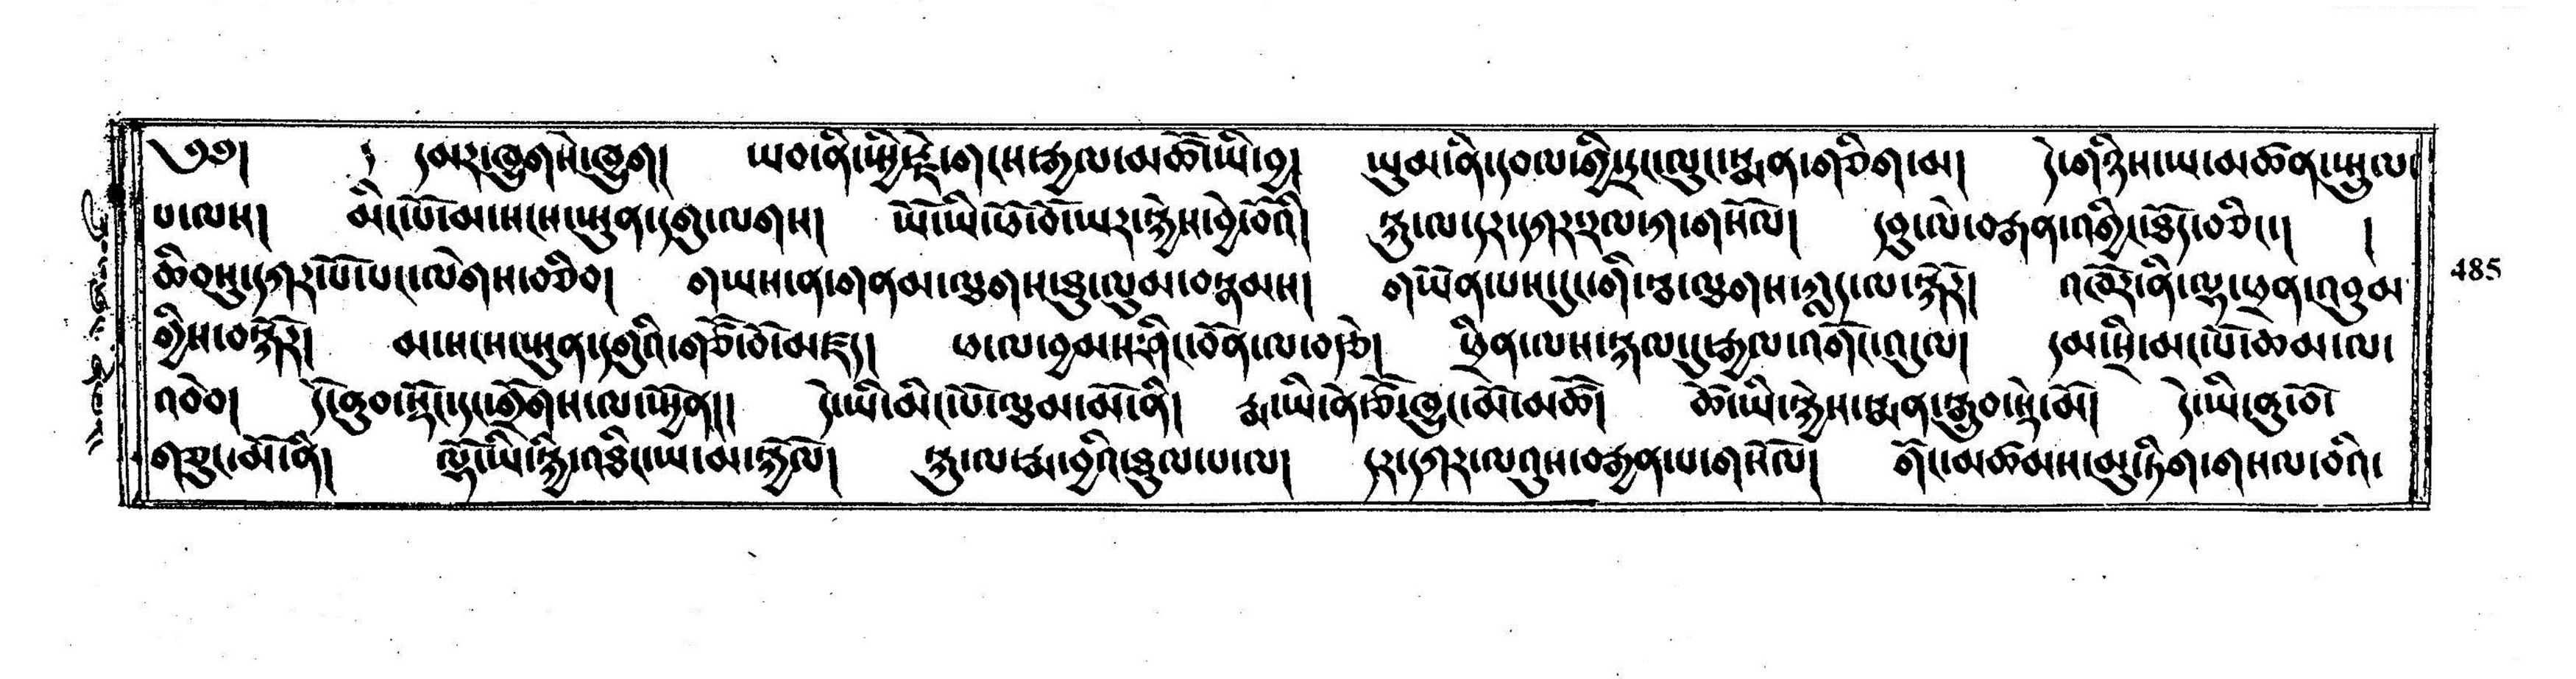དམར་ཁྱུགས་སེ་ཁྱུག །ཡབ་ནི་སྤྱི་རྗེ་གངས་རྒྱལ་མཚོ་ཡི་བྱ། ཡུམ་ནི་དབལ་གྱི་དྲང་ལུང་སྨན་གཅིག་མ། དེ་གཉིས་ཡ་མཚན་སྤྲུལ་
པ་ལས། མིང་པོ་མ་སངས་སྤུན་དགུ་ལགས། ཡོ་ཡི་ཕོ་བོ་ཡར་སྐྱེས་བྱེ་བོའི། སྐུ་ལ་དར་དཀར་རལ་ཀ་གསོལ། དབུ་ལེ་བརྒན་འགྱིང་ཐོད་བཅིང་། 
ཆིབས་སུ་དཀར་པོ་པང་ལེགས་བཅིབ། གཡས་ན་གནམ་ལྕགས་ཐུ་ལུམ་བསྣམས། གཡོན་པ་དུང་གི་སྦ་ལྕགས་ཀླད་ལ་སྐོར། འཁོར་ནི་ལྷ་ཕྲན་འབུམ་
གྱིས་བསྐོར། མ་སངས་སྤུན་དགུའི་གཙོ་བོ་མཛད། ཕ་ལ་བྱམས་ཤིང་བོན་ལ་བརྩེ། ཕྲིན་ལས་སྐལ་དུ་རྒྱལ་འགོང་འདུལ། དམ་སྲི་མང་པོ་ཆམ་ལ་
འབེབ། དོ་ནུབ་སྡོང་དང་གྲོགས་ལ་སྤྱོན།། དེ་ཡི་མིང་པོ་ལྕམ་མོ་ནི། རྨ་ཡི་ནེ་ཙོ་ཁྱུང་མོ་མཚོ། ཚེ་ཡི་སྐྱེས་སྨན་སྒྲུབ་སྡེ་མོ། དེ་ཡི་ནུ་བོ་
གཅུང་མོ་ནི། ལྷོ་ཡི་སྐྱི་འཐིང་ཡ་མ་སྐྱོལ། སྐུ་ལ་རྨ་བྱའི་ཐུལ་པ་ལ། དར་དཀར་ལའུས་བརྒྱན་པ་གསོལ། {499}གོང་མཚམས་མུ་ཏིག་གསལ་བའི་